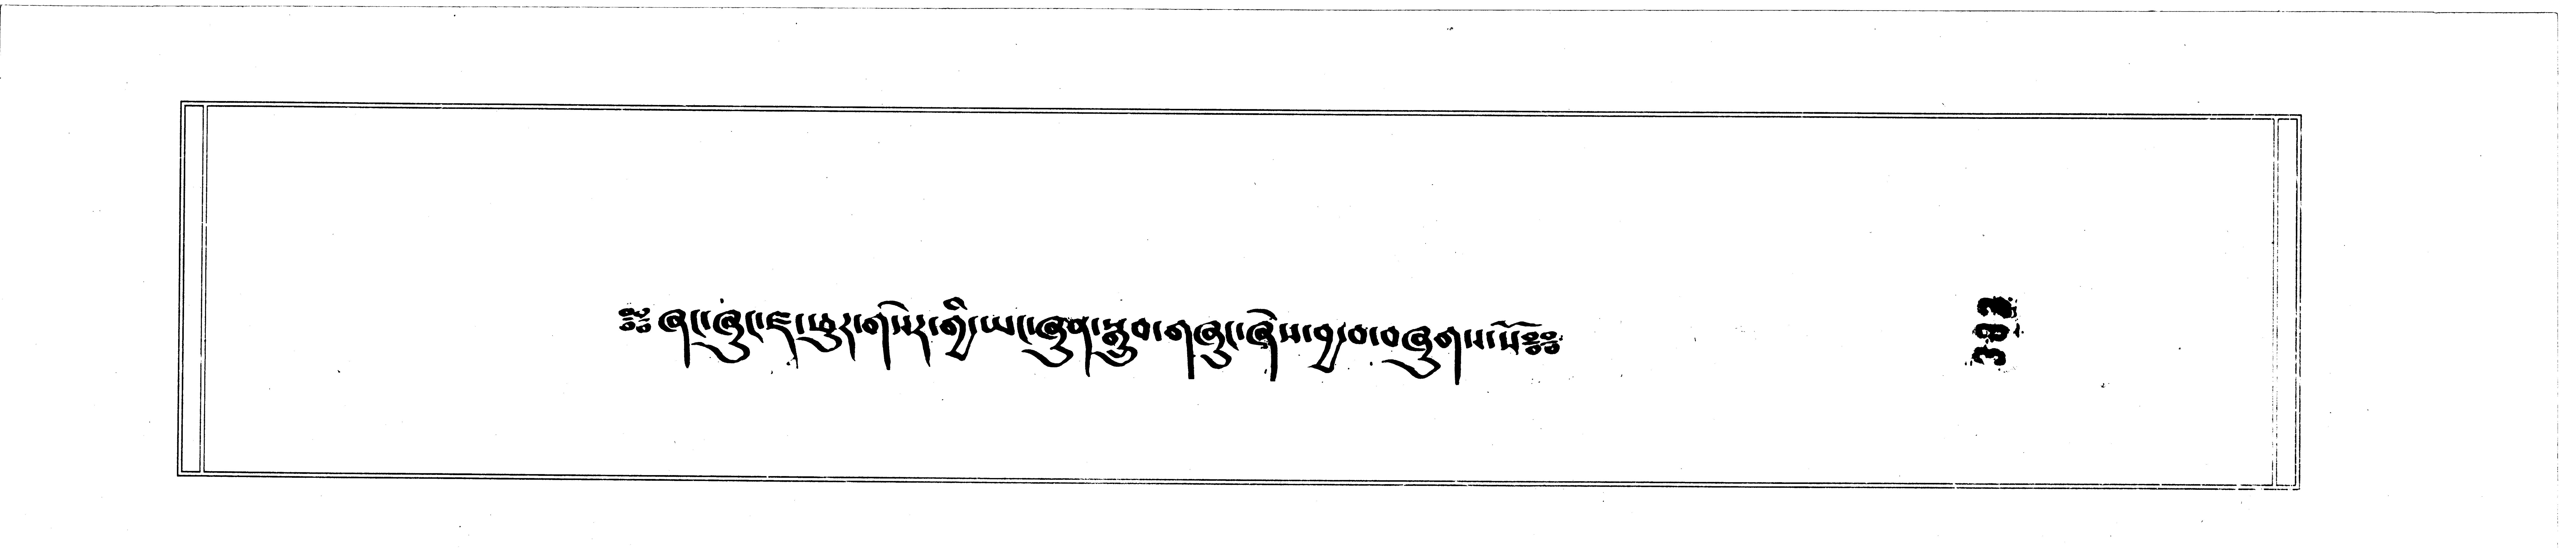༄༅། །ཞང་ཞུང་ཛྭ་ཕུར་གསེར་གྱི་ཡང་ཞུན་སྒྲུབ་གཞུང་ཞེས་བྱ་བ་བཞུགས་སོ༔༔